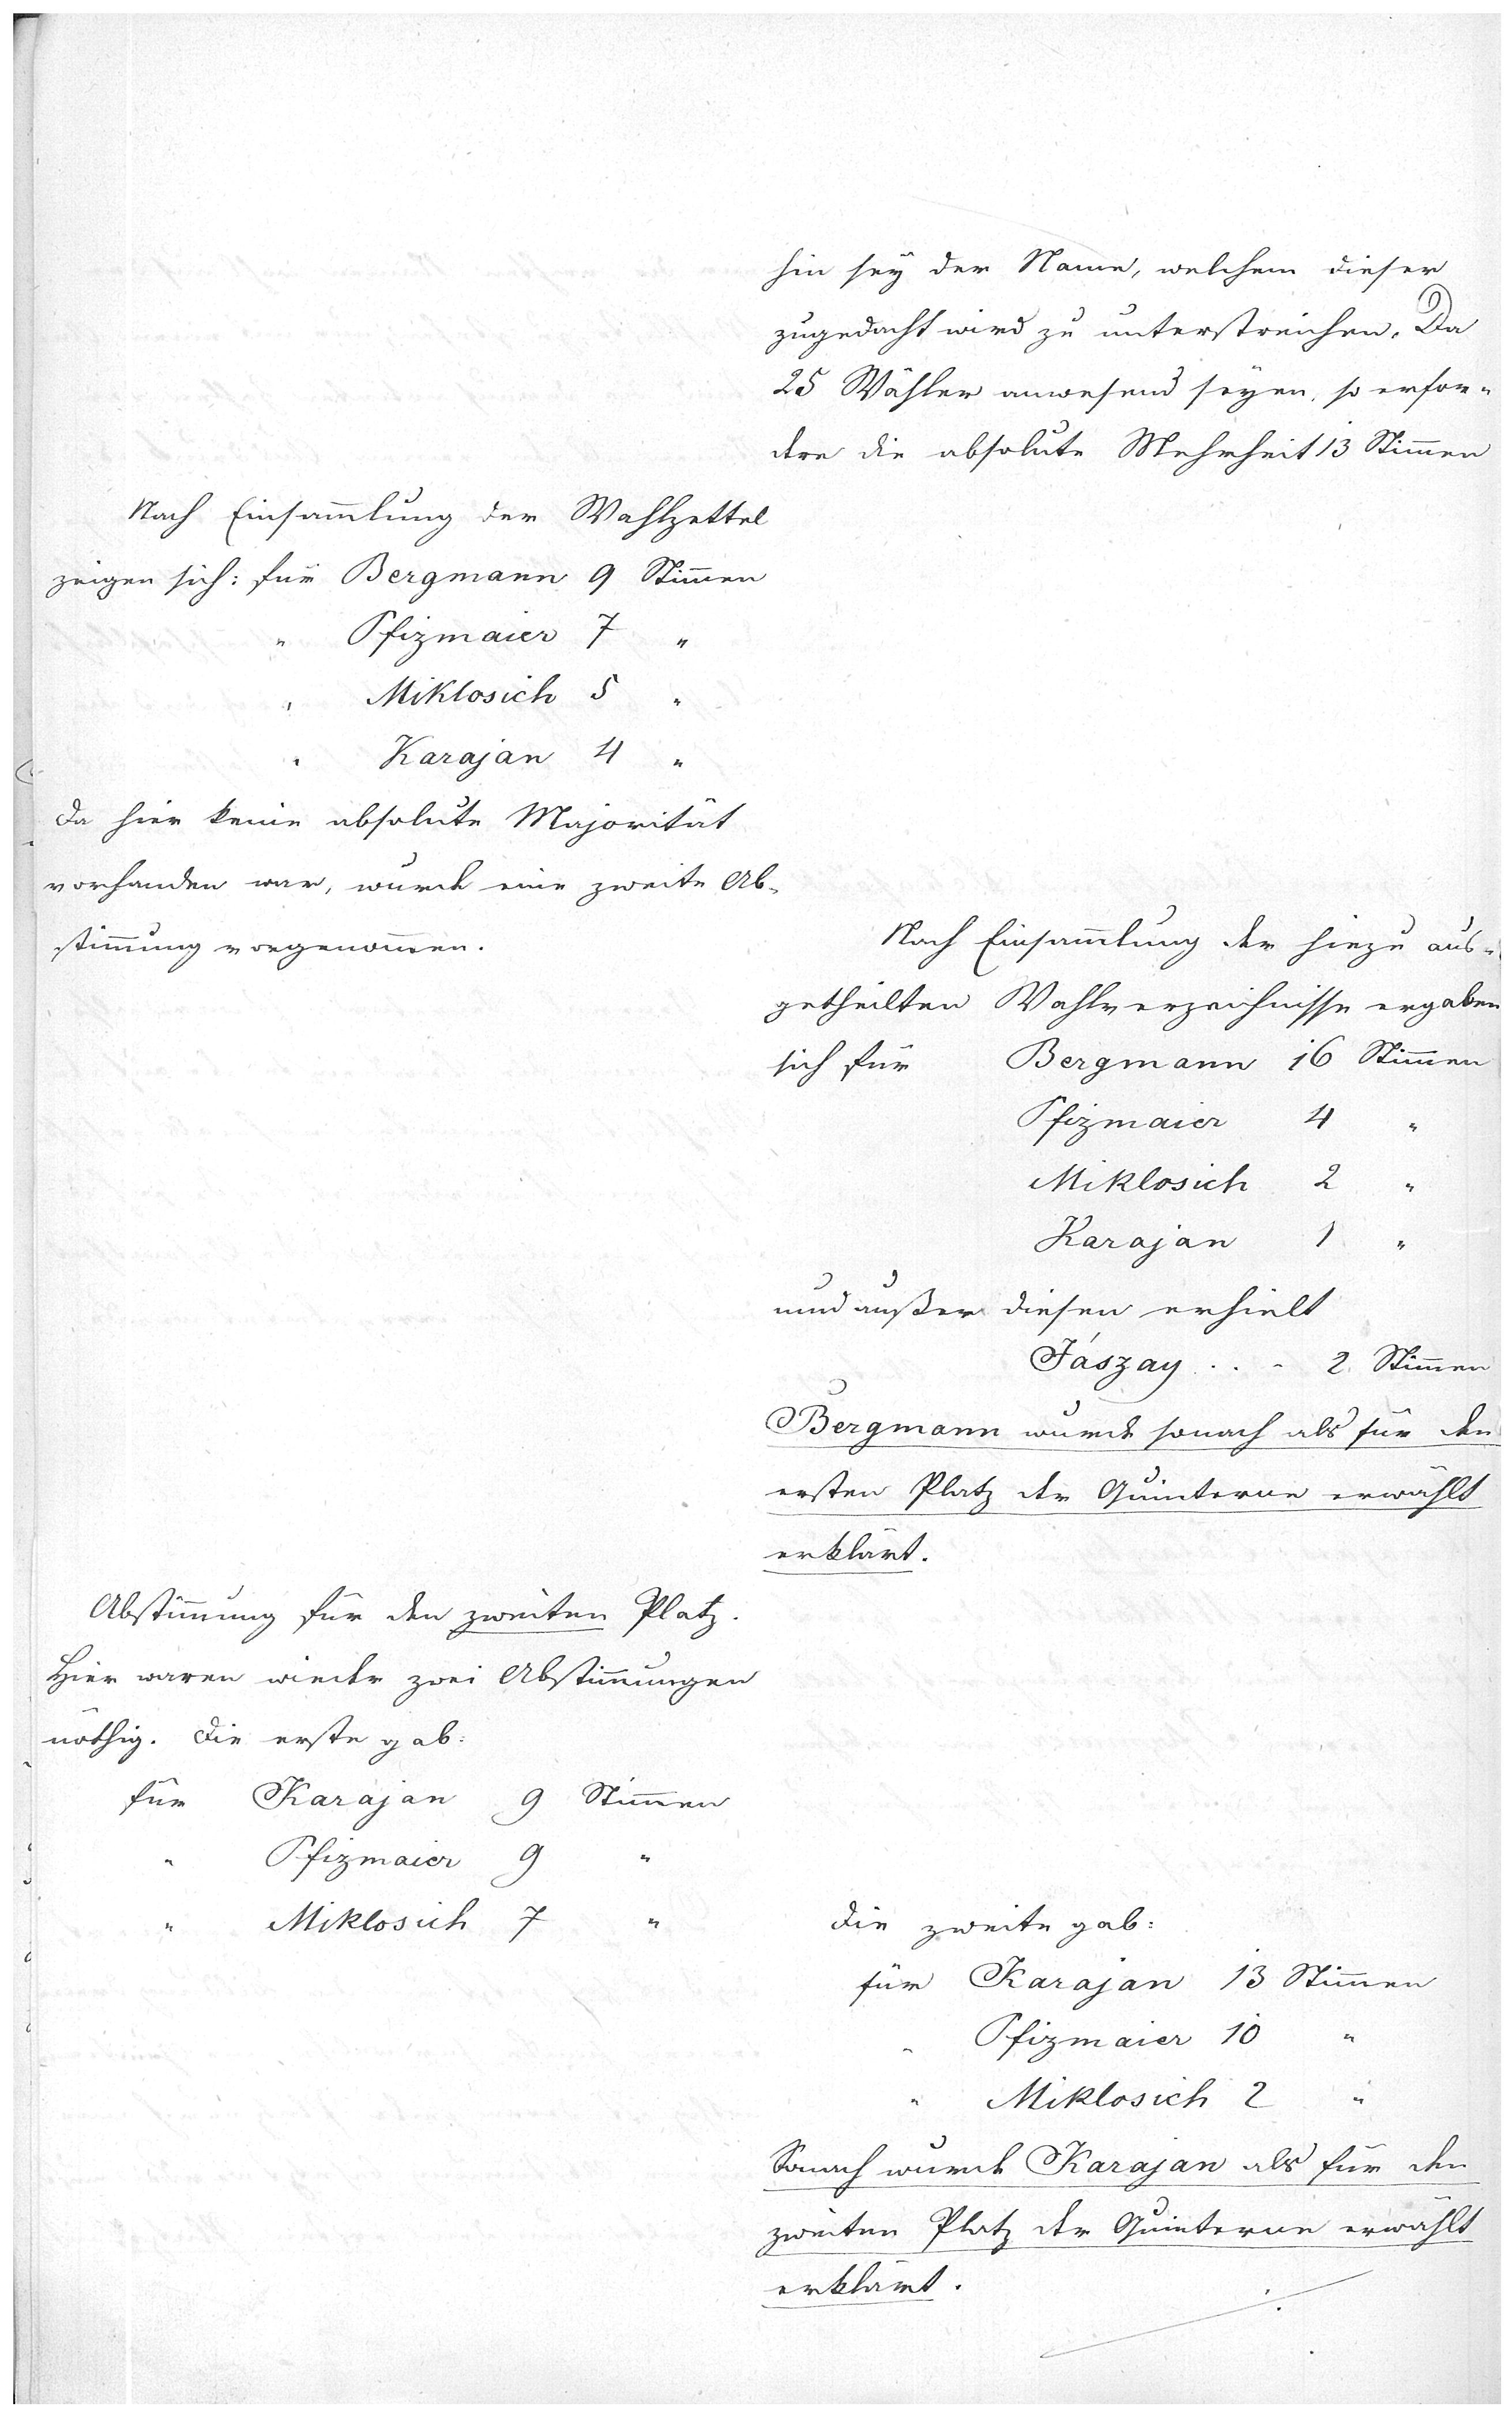hin sey der Name, welchem dieser
zugedacht wird zu unterstreichen. Da
25 Wähler anwesend seyen, so erfor-
dere die absolute Mehrheit 13 Stimmen.
Nach Einsammlung der Wahlzettel
zeigen sich für Bergmann 9 Stimmen
" Pfizmaier 7 "
" Miklosich 5 "
" Karajan 4 "
Da hier keine absolute Majorität
vorhanden war, wurde eine zweite Ab-
stimmung vorgenommen.
Nach Einsammlung der hierzu aus-
getheilten Wahlverzeichnisse ergaben
sich für Bergmann 16 Stimmen
Pfizmaier 4 "
Miklosich 2 "
Karajan 1 "
und außer diesen erhielt
Jaszay . . . 2 Stimmen
Bergmann wurde sonach als für den
ersten Platz der Quinterne erwählt
erklärt.
Abstimmung für den zweiten Platz.
Hier waren wieder zwei Abstimmungen
nöthig. Die erste ergab:
für Karajan 9 Stimmen
" Pfizmaier 9 "
" Miklosich 7 "
Die zweite gab:
für Karajan 13 Stimmen
" Pfizmaier 10 "
" Miklosich 2 "
Sonach wurde Karajan als für den
zweiten Platz der Quinterne erwählt
erklärt.